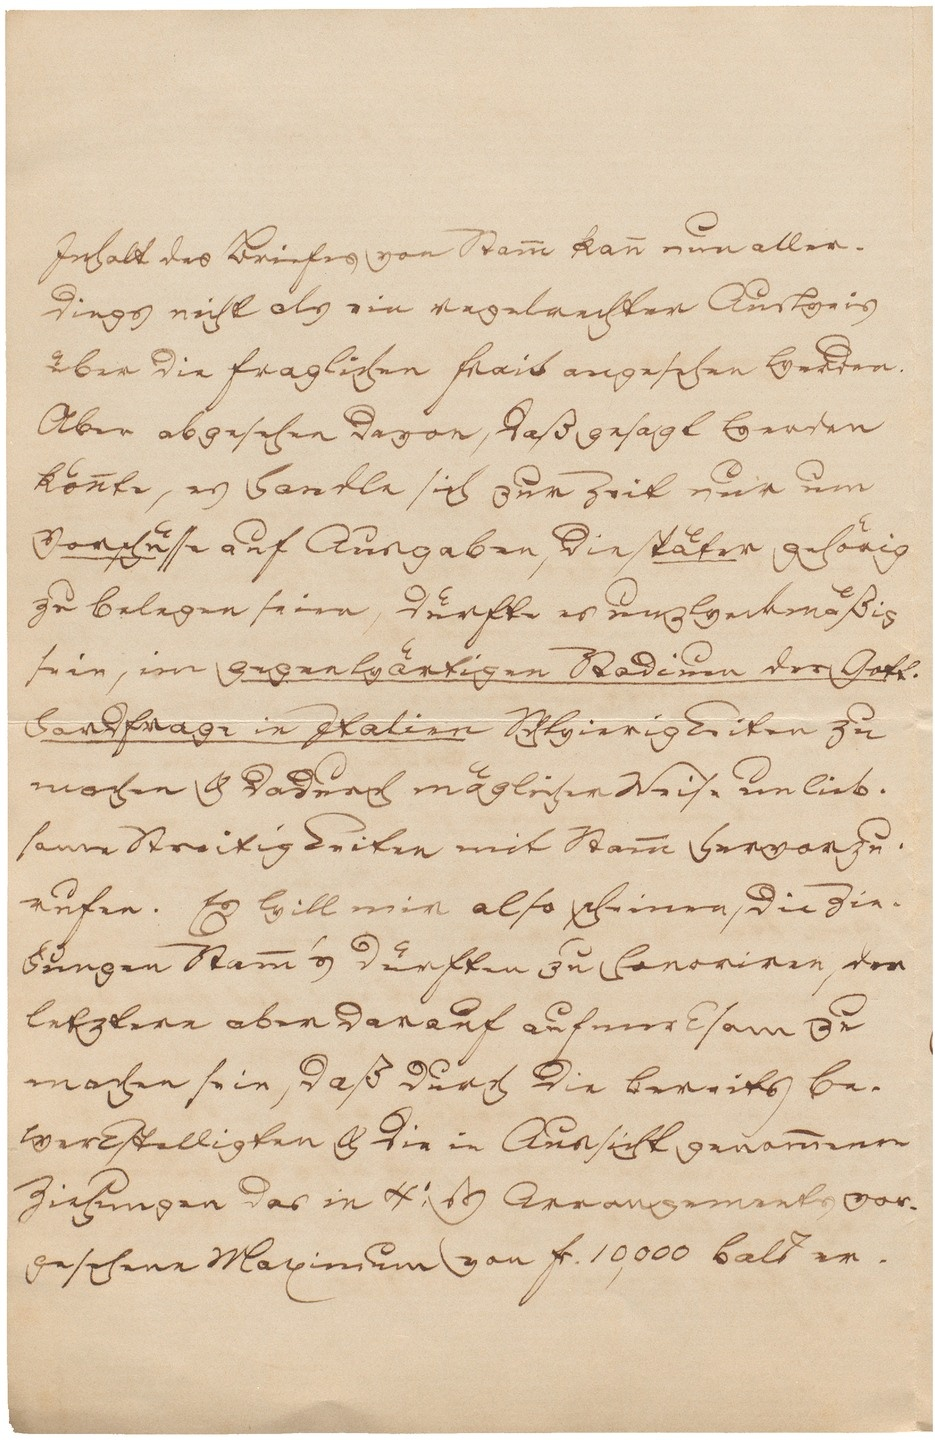Inhalt des Briefes von Stamm kann nun aller-
dings nicht als ein regelrechter Ausweis
über die fraglichen frais angesehen werden.
Aber abgesehen davon, daß gesagt werden
könnte, es handle sich zur Zeit nur um
Vorschüsse auf Ausgaben, die später gehörig
zu belegen seien, düfte es unzweckmäßig
sein, im gegenwärtigen Stadium der Gott-
hardfrage in Italien Schwierigkeiten zu
machen & dadurch möglicher Weise unlieb-
same Streitigkeiten mit Stamm hervorzu-
rufen. Es will mir also scheinen, die Zie-
hungen Stamm's dürften zu honoriren, der
letztere aber darauf aufmerksam zu
machen sein, daß durch die bereits be-
werkstelligten & die in Aussicht genommenen
Ziehungen das in 4o des Arrangements vor-
gesehene Maximum von fr. 10,000 bald er-